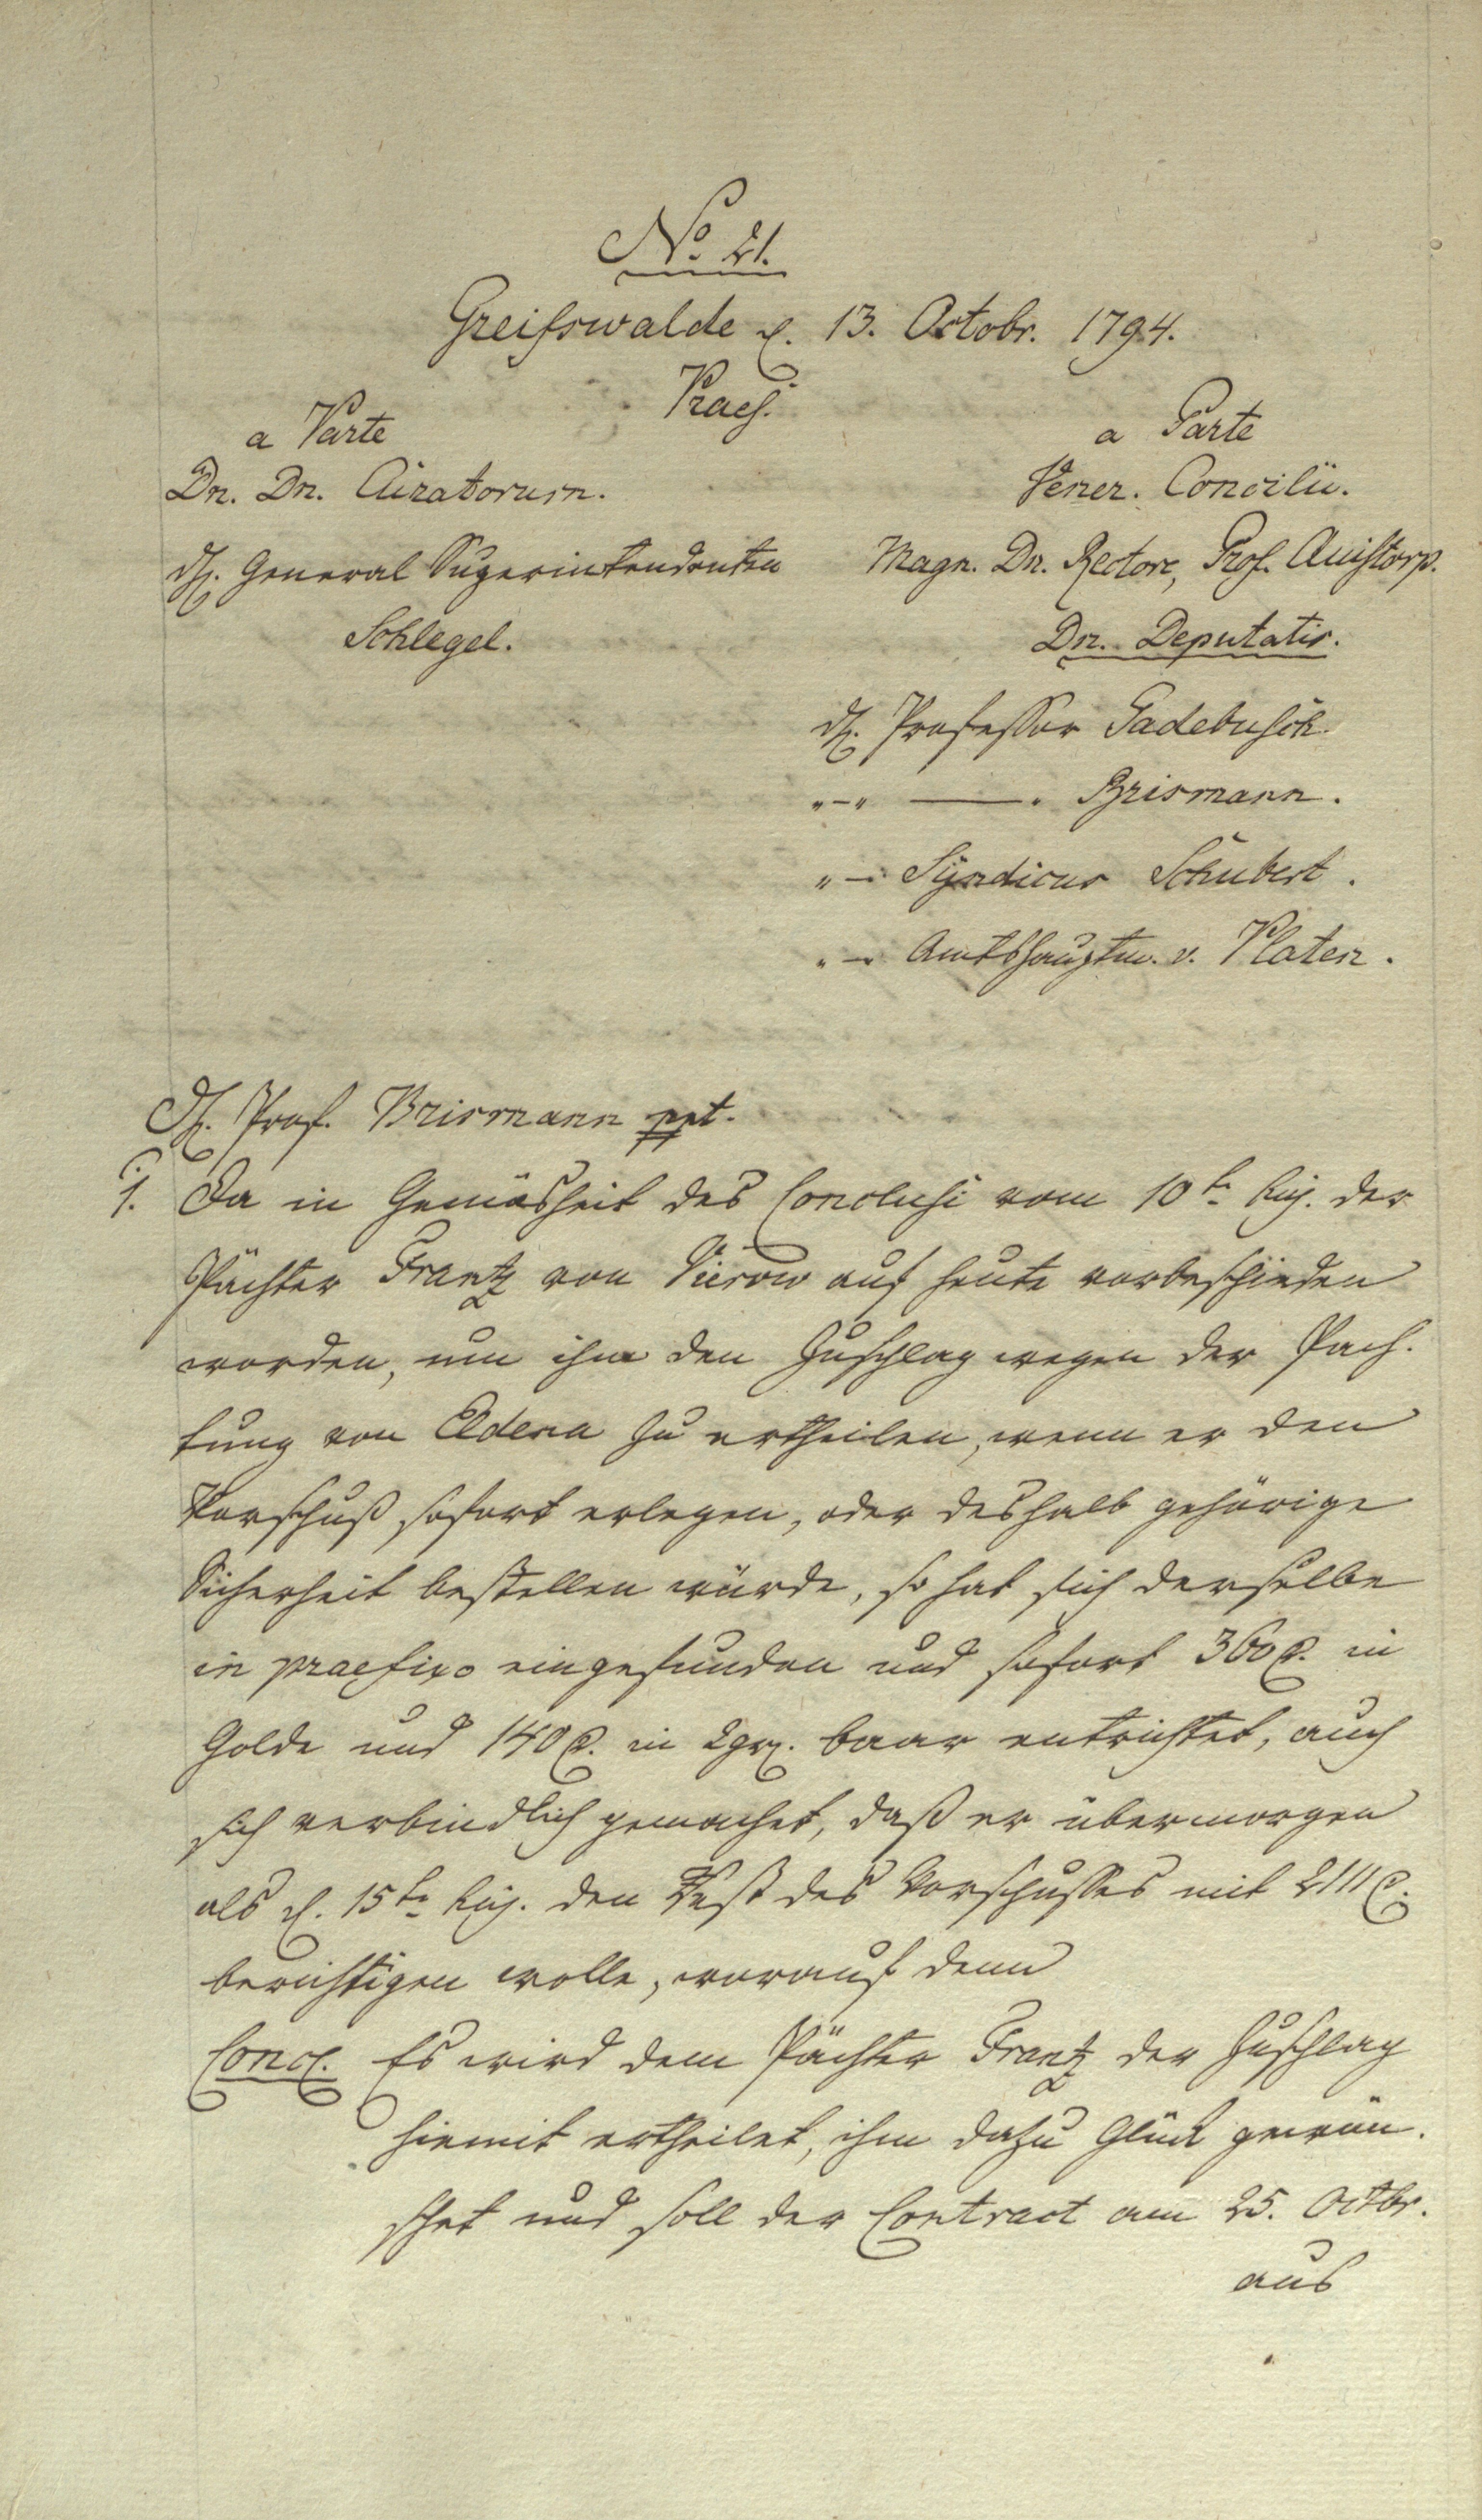No 21.
Greifswalde d. 13. Octobr. 1794.
Praes.
a Parte a Parte
Dn. Dn. Curatorum. Vener. Concilii.
dh. General Superintendenten Magn. Dn. Rector, Prof. Quistorp.
Schlegel. Dn. Deputatis.
dh. Professor Gadebusch.
Brismann.
Sÿndicus Schubert.
Amtshauptm. v. Platen.
dh. Prof. Brismann ppt.
1. Da in Gemäsheit des Conclusi vom 10 t huj. der
Pächter Frantz von Vierow auf heute vorbeschieden
worden, um ihm den Zuschlag wegen der Pach¬
tung von Eldena zu ertheilen, wenn er den
Vorschuß sofort erlegen, oder deshalb gehörige
Sicherheit bestellen würde, so hat sich derselbe
in praefixo eingefunden und sofort 360 l. in
Golde und 140 l. in gr. baar entrichtet, auch
sich verbindlich gemachet, daß er übermorgen
als d. 15 t. huj. den Rest des Vorschusses mit 2111 l.
berichtigen wolle, worauf denn
Concl. Es wird dem Pächter Frantz der Zuschlag
hiemit ertheilet, ihm dazu Glück gewün¬
schet und soll der Contract am 25. Octbr.
aus